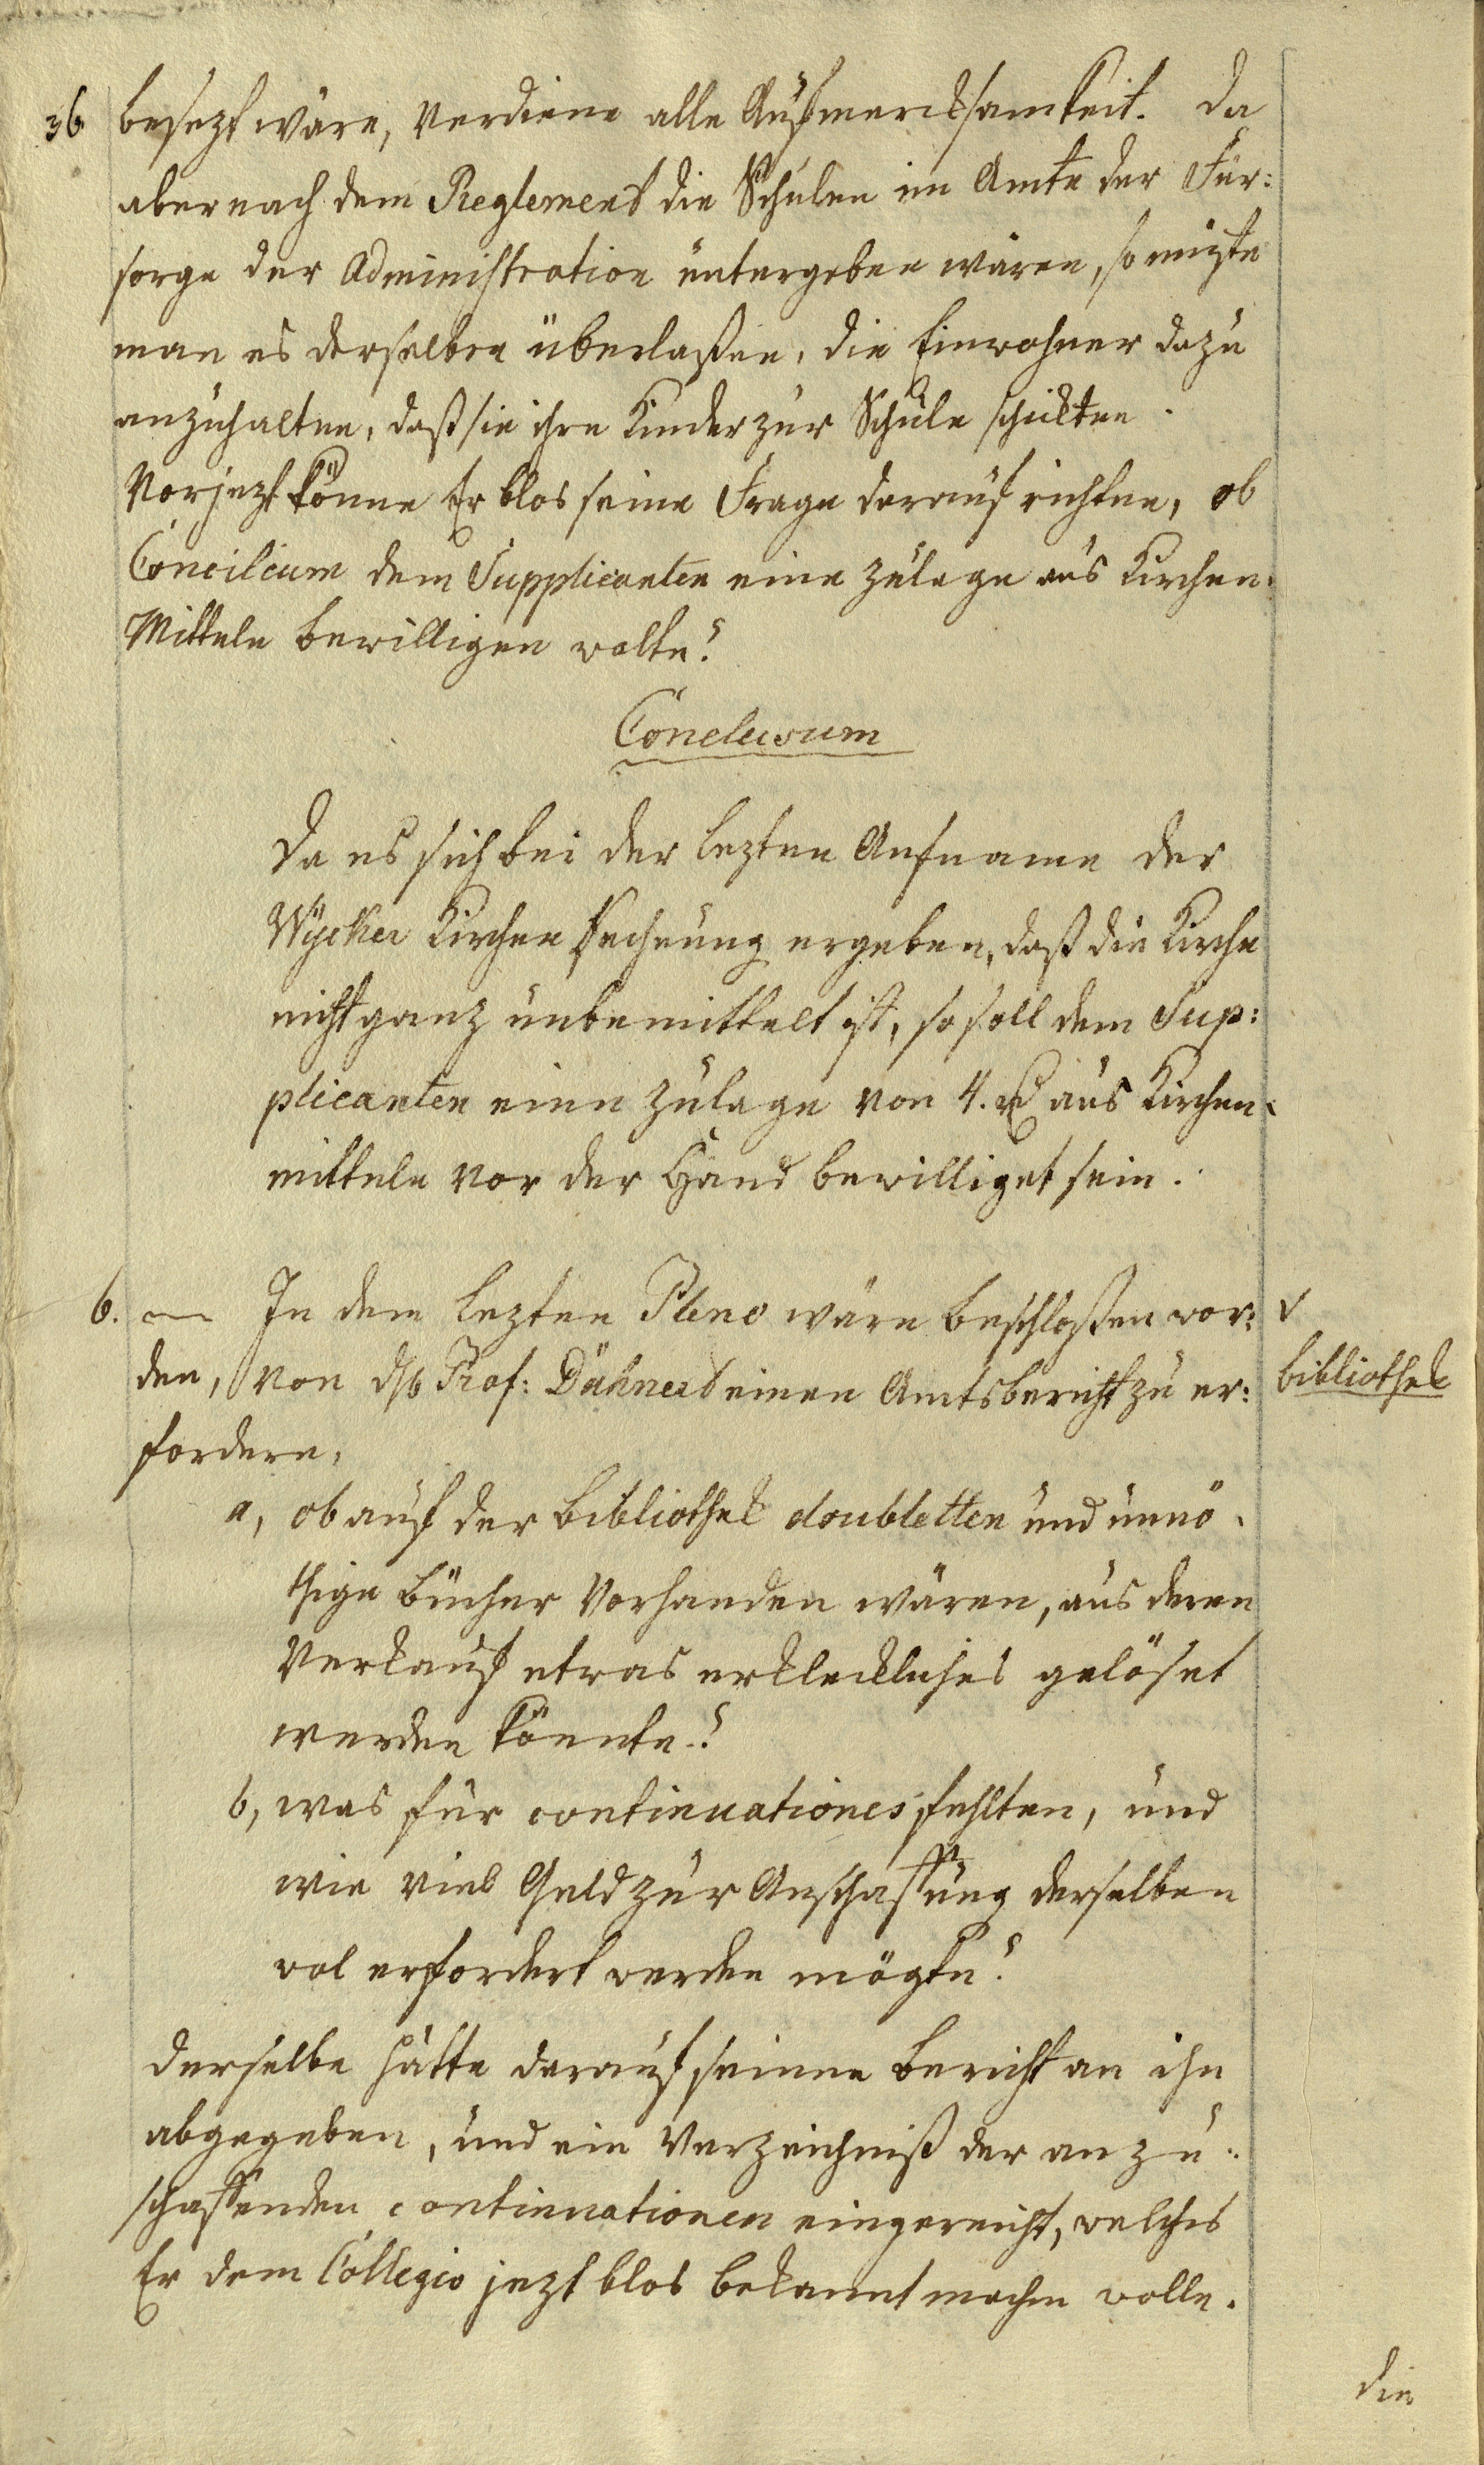besezt wäre, verdiene alle Aufmercksamkeit. Da
aber nach dem Reglement die Schulen im Amte der Für¬
sorge der Administration untergeben wären, so müste
man es derselben überlaßen, die Einwohner dazu
anzuhalten, daß sie ihre Kinder zur Schule schickten.
Vorjezt könne Er blos seine Frage darauf richten, ob
Concilium dem Supplicanten eine Zulage aus Kirchen¬
Mitteln bewilligen wolte?
Conclusum
Da es sich bei der lezten Aufname der
Wÿcker Kirchen Rechnung ergeben, daß die Kirche
nicht ganz unbemittelt ist, so soll dem Sup¬
plicanten eine Zulage von 4 rt. aus Kirchen¬
mitteln vor der Hand bewilliget sein.
6. In dem lezten Pleno wäre schloßen wor¬
den, von dh Prof. Dähnert einen Amtsbericht zu er¬
fordern.
a, ob auf der Bibliothek doubletten und unnö¬
thige Bücher vorhanden wären, aus deren
Verkauf etwas erkleckliches gelöset
werden könnte?
b, was für continuationes fehlten, und
wie viel Geld zur Anschaffung derselben
wol erfordert werden mögte?
Derselbe hätte darauf seinen Bericht an ihn
abgegeben, und ein Verzeichniß der anzu¬
schaffenden continuationen eingereicht, welches
Er dem Collegio jezt blos bekannt machen wolle.